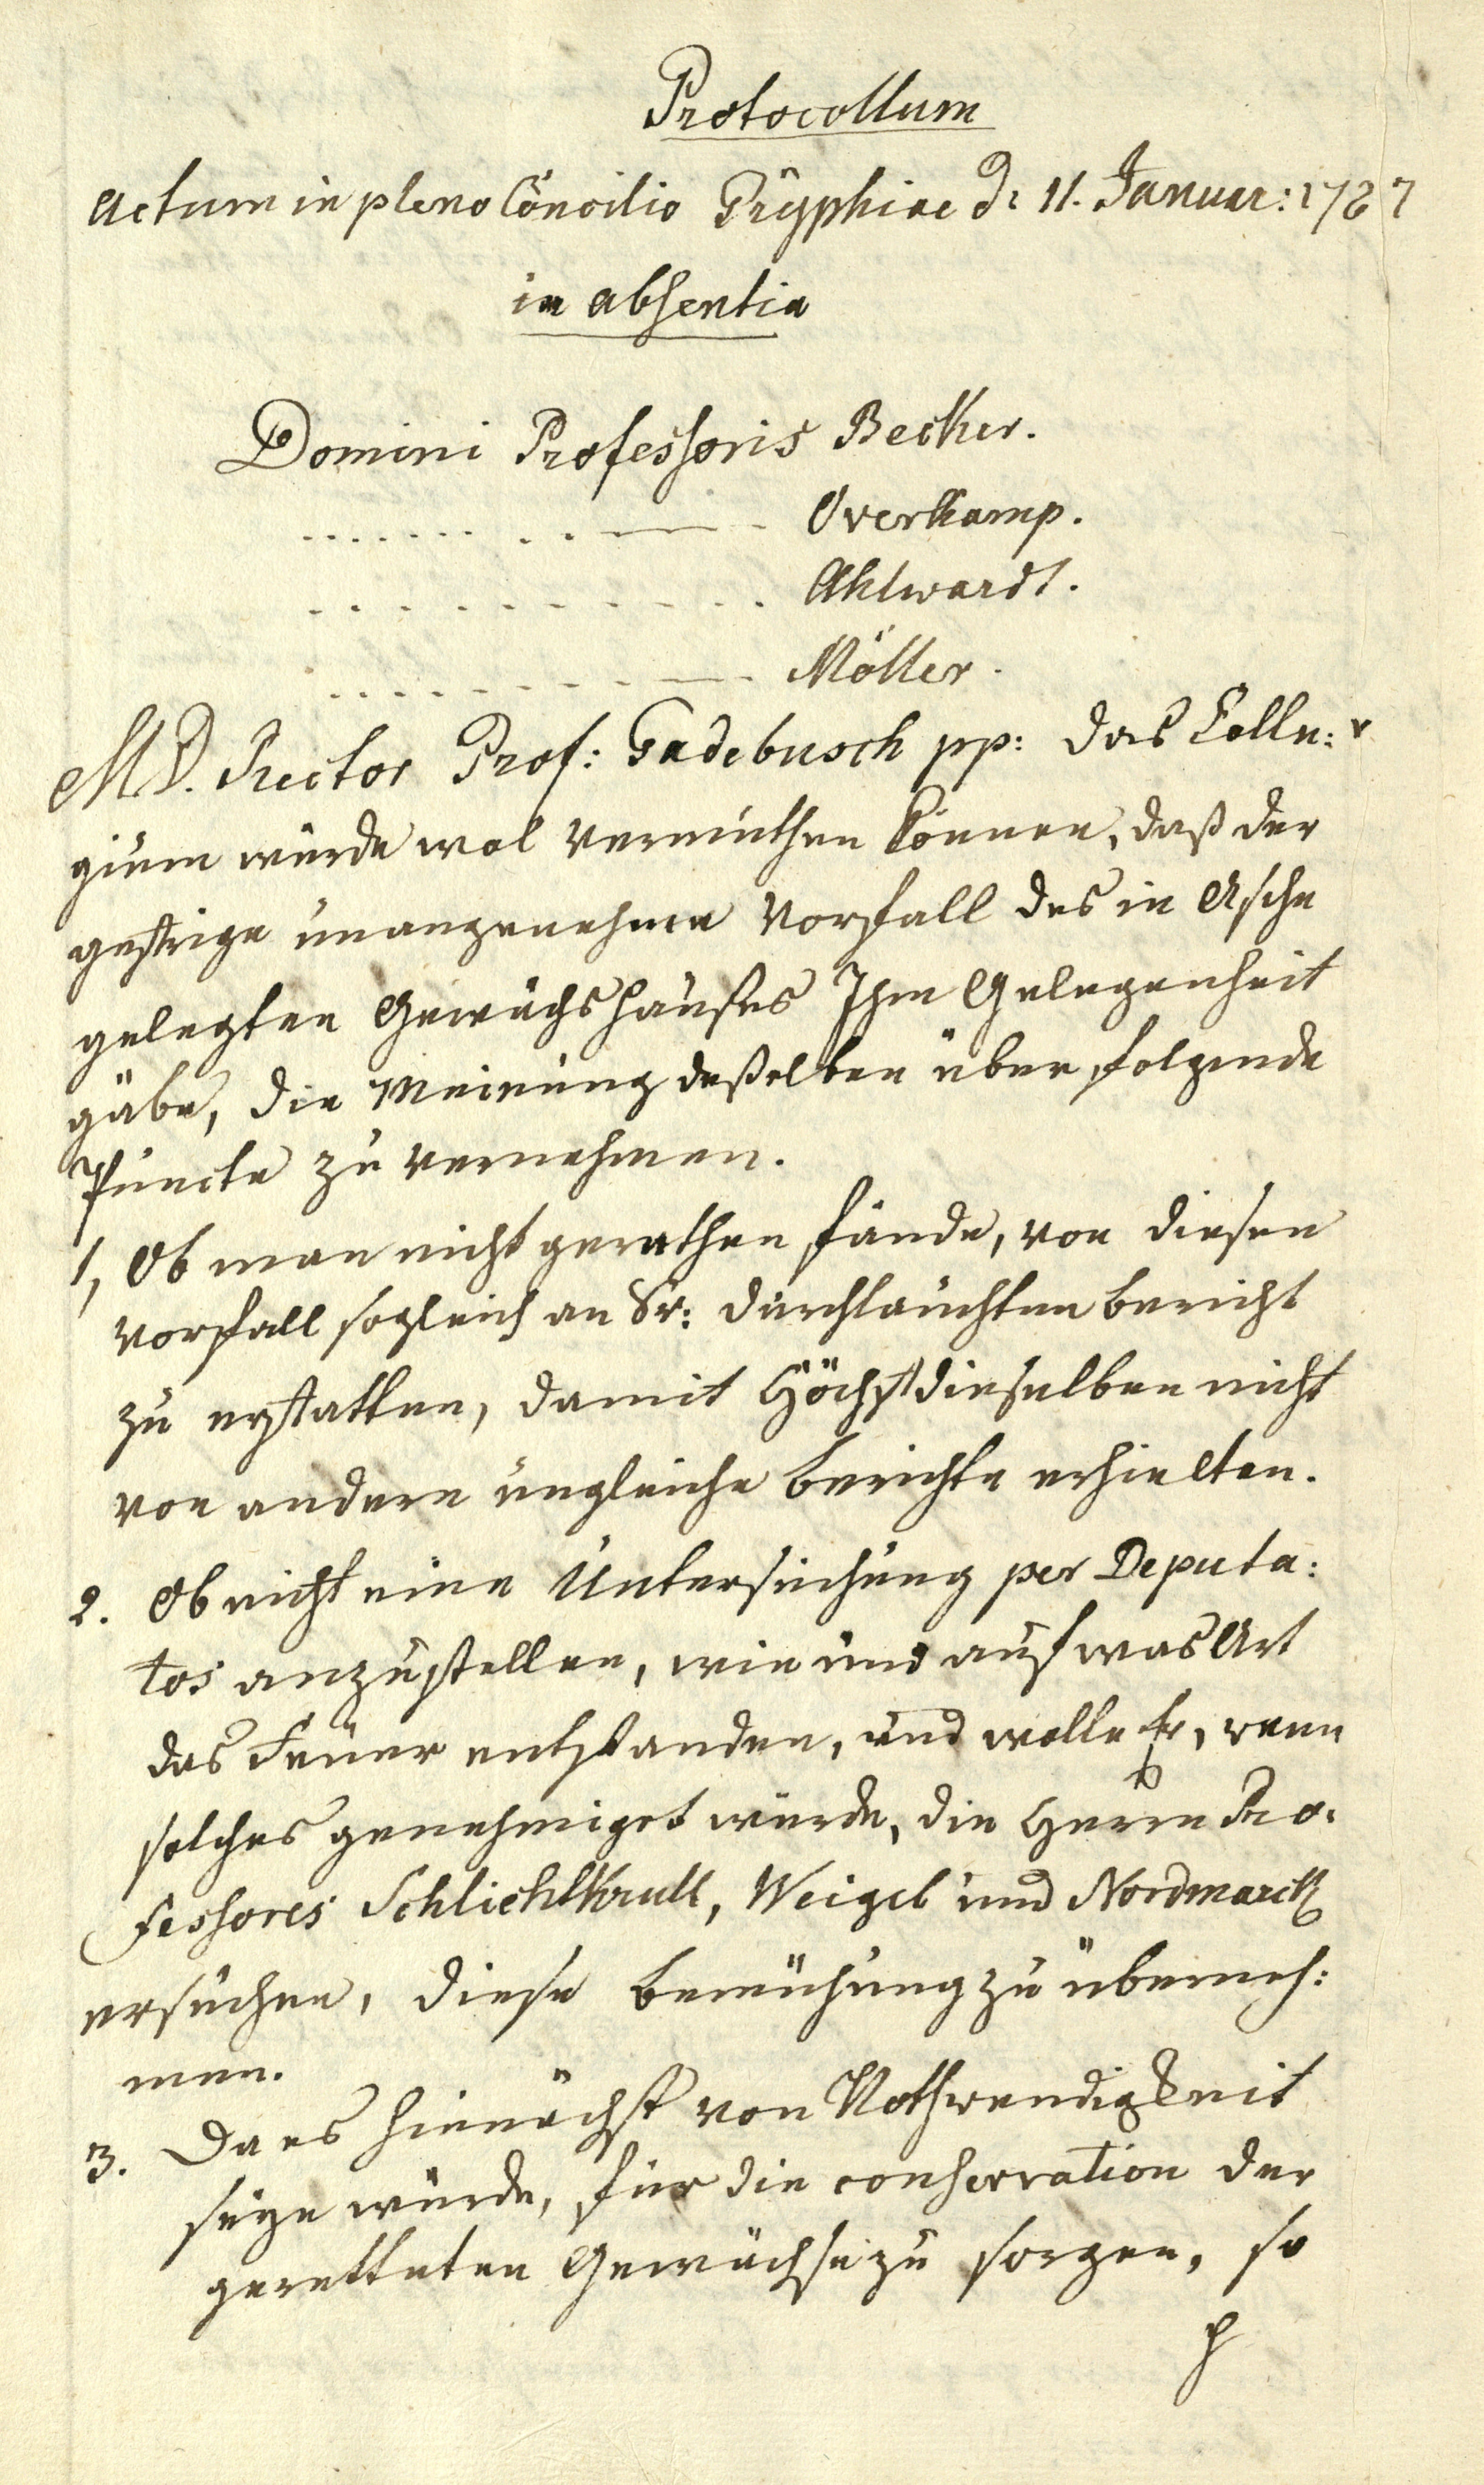Protocollum
Actum in pleno Concilio Grÿphiae d. 11. Januar 1787
in absentia
Domini Professoris Becker.
Overkamp.
Ahlwardt.
Möller.
M. D. Rector Prof. Gadebusch pp. Das Colle¬
gium würde wol vermuthen können, daß der
gestrige unangenehme Vorfall des in Asche
gelegten Gewächshaußes Ihm Gelegenheit
gäbe, die Meinung deßelben über folgende
Puncte zu vernehmen.
1, Ob man nicht gerathen fände, von diesen
Vorfall sogleich an Sr Durchlauchten Bericht
zu erstatten, damit Hochdieselben nicht
von andern ungleiche Berichte erhielten.
2. Ob nicht eine Untersuchung per Deputa¬
tos anzustellen, wie und auf was Art
das Feuer entstanden, und wolle Er, wenn
solches genehmiget würde, die Herrn Pro¬
fessores Schlichtkrull, Weigel und Nordmarck
ersuchen, diese Bemühung zu überneh¬
men.
3. Da es hienächst von Nothwendigkeit
seÿn würde, für die conservation der
geretteten Gewächse zu sorgen, so
h